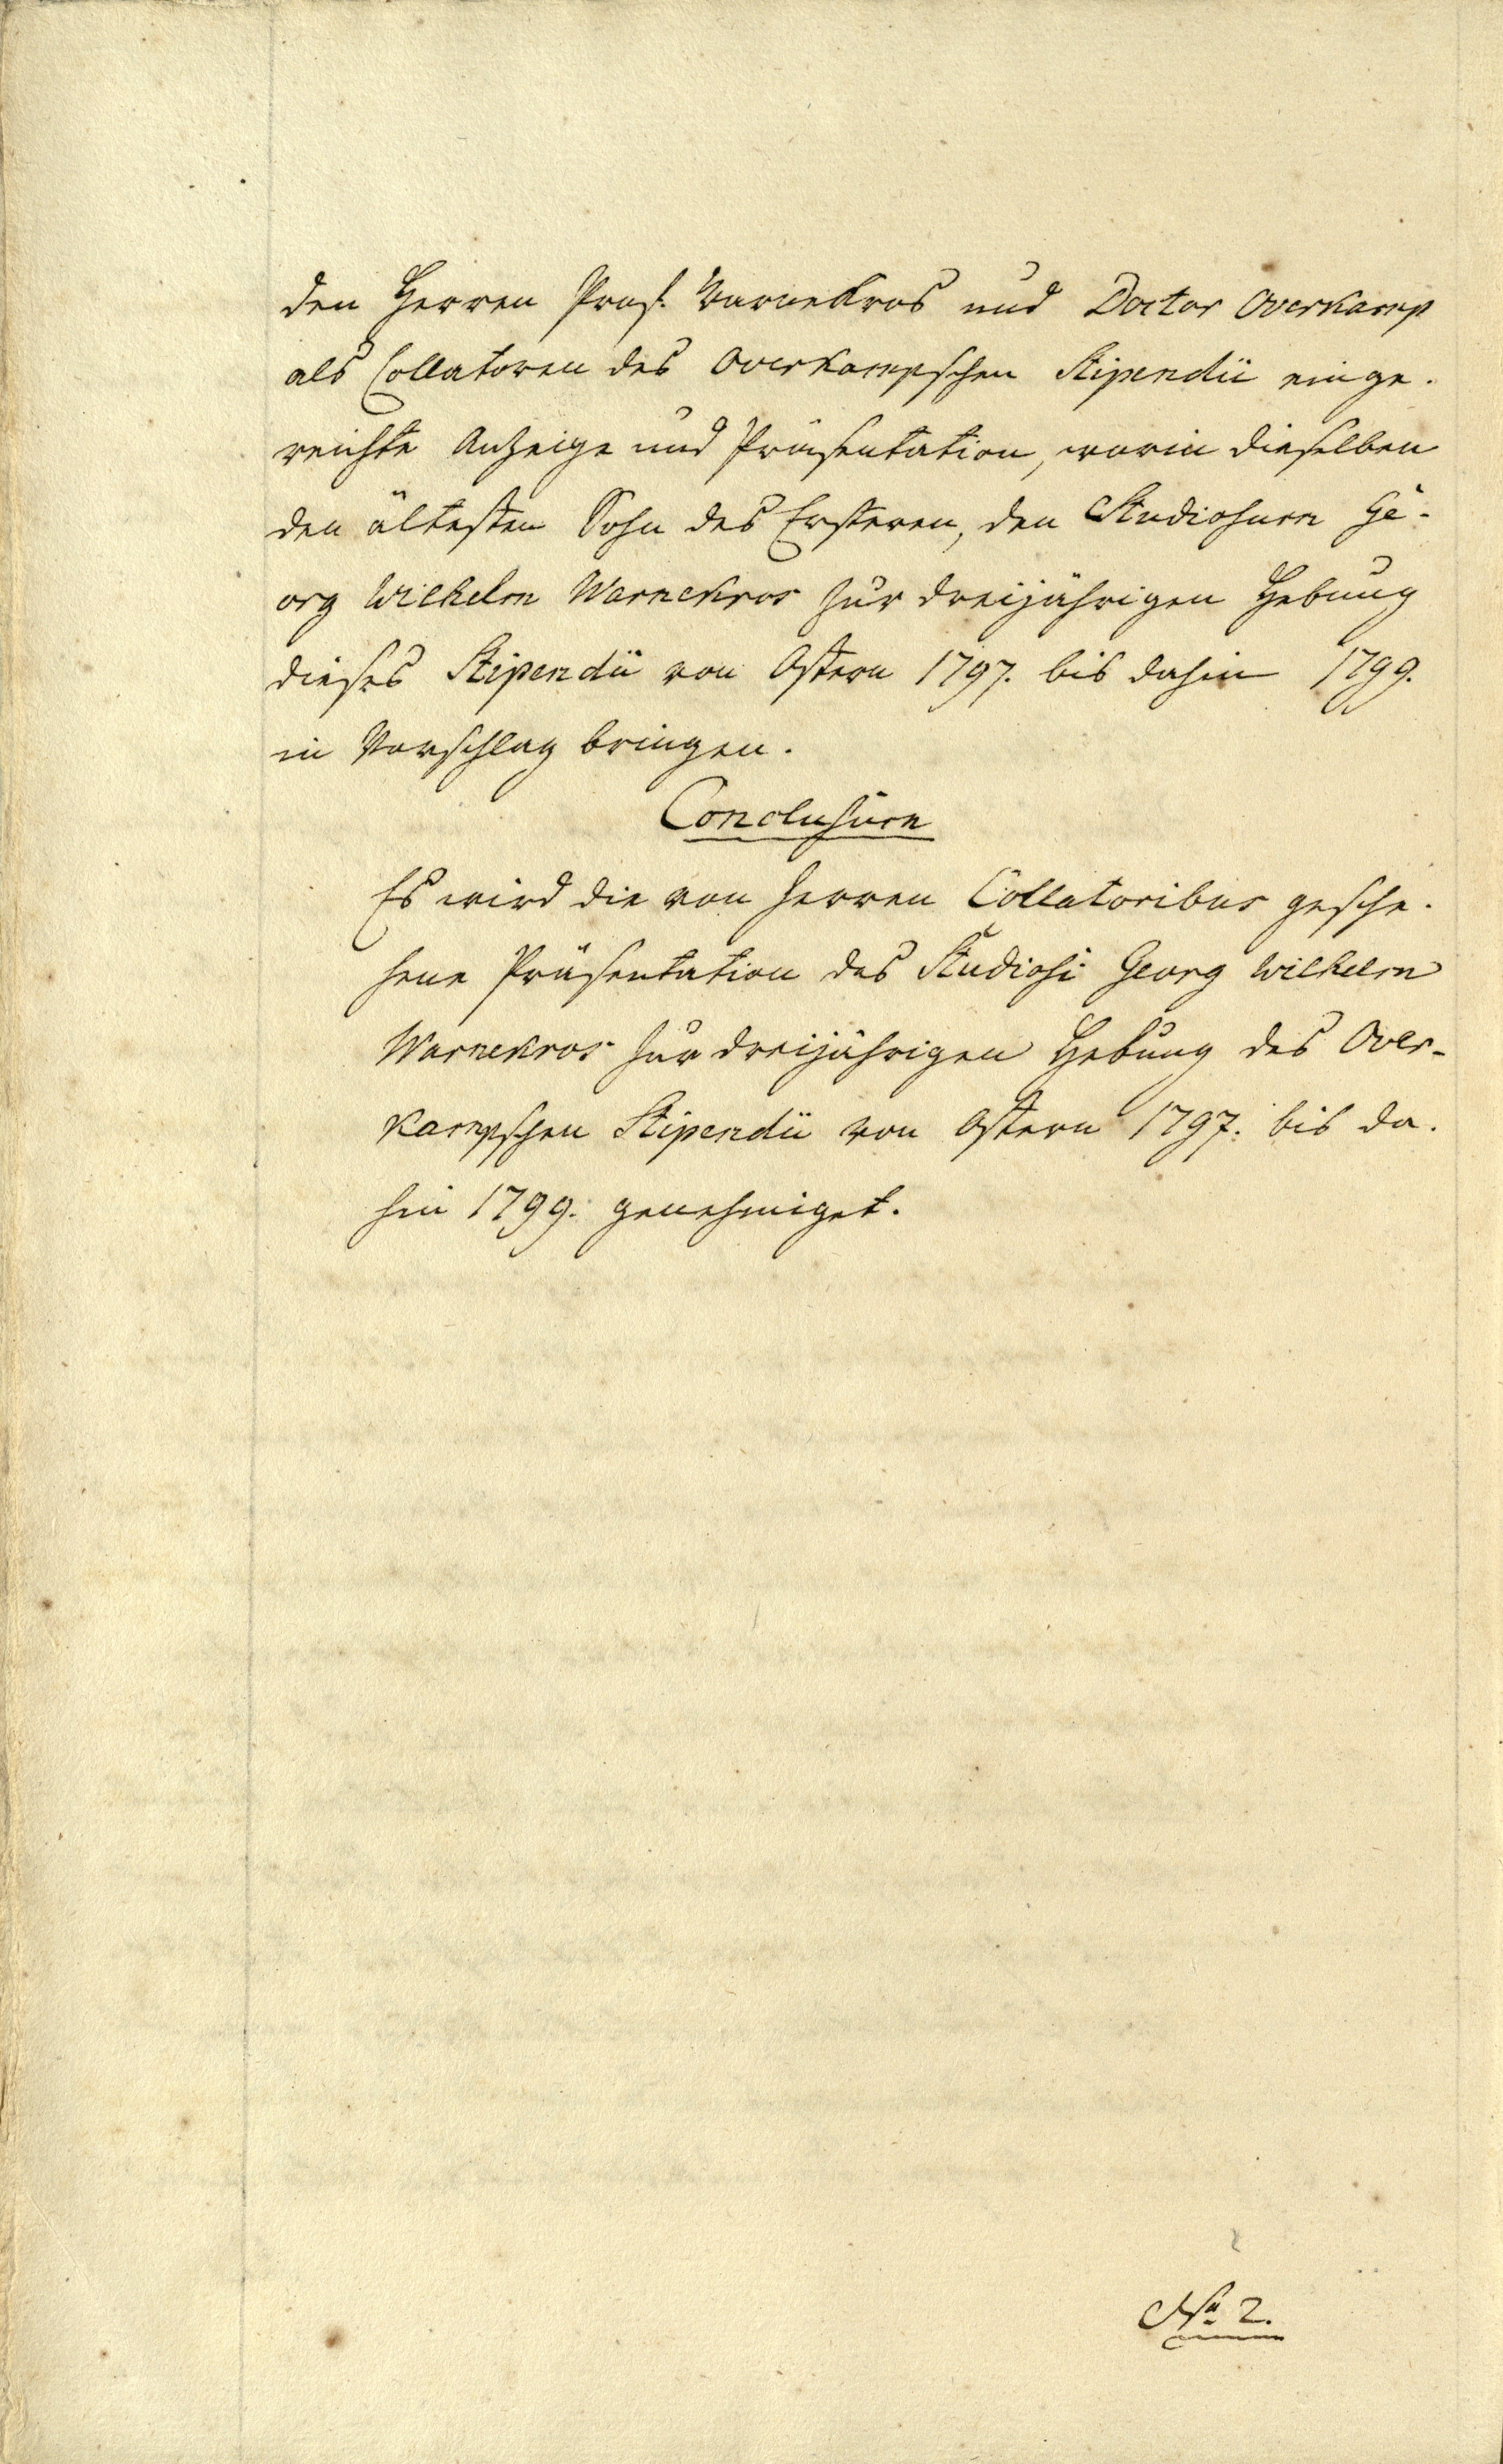den Herren Prof. Warnekros und Doctor Overkamp
als Collatoren des Overkampschen Stipendii einge¬
reichte Anzeige und Präsentation, worin dieselben
den ältesten Sohn des Ersteren, den Studiosum Ge¬
org Wilhelm Warnekros zur dreijährigen Hebung
dieses Stipendii von Ostern 1797. bis dahin 1799.
in Vorschlag bringen.
Conclusum
Es wird die von herren Collatoribus gesche¬
hene Präsentation des Studiosi Georg Wilhelm
Warnekros zur dreijährigen Hebung des Over¬
kampschen Stipendii von Ostern 1797. bis da¬
hin 1799. genehmiget.